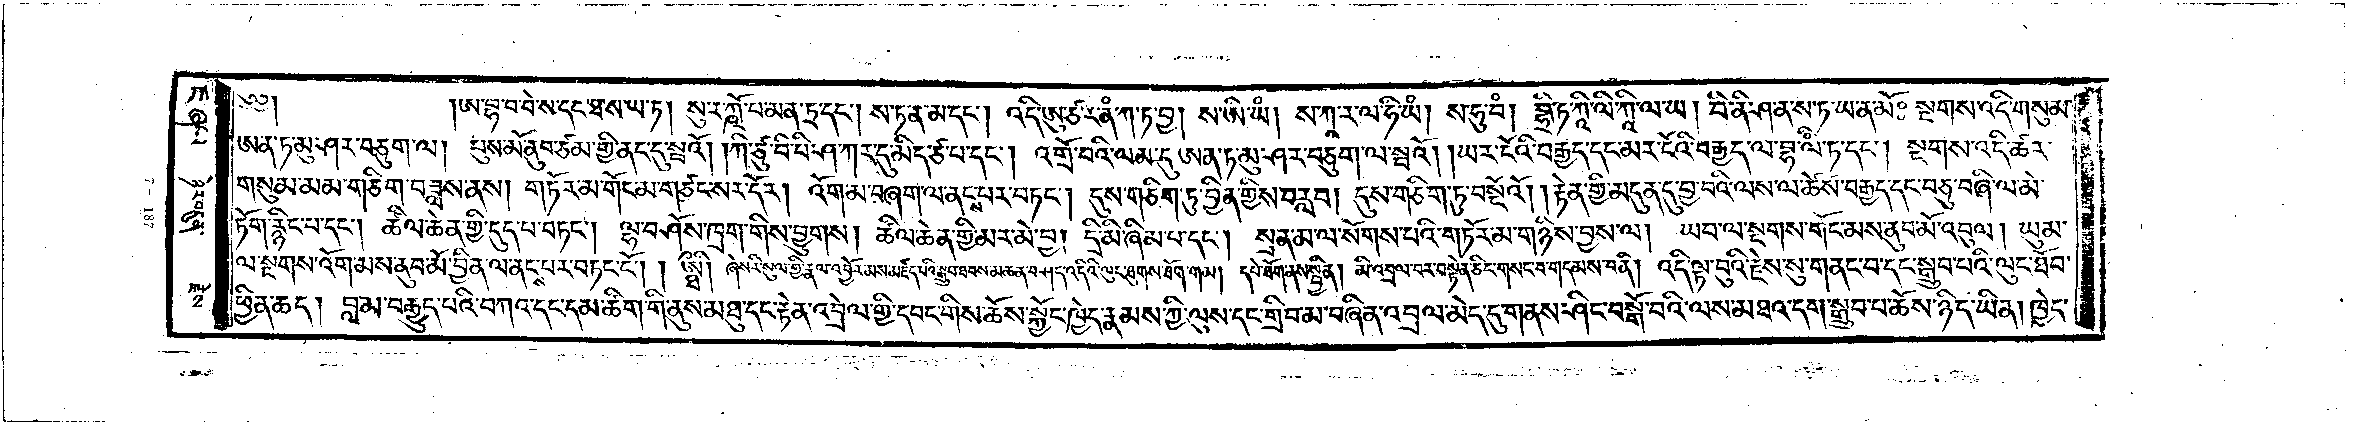༄༅། །ཨ་བྷ་བྦེས་དང་ཐས་པ་ཏ། སུ་རཀྵོ་པ་མན་ཏྲ་དང་། ས་ཏན་མ་དང་། འདི་ཨུ་ཙར་ནཾ་ཀ་ཏ་བྱ། ས་ཨི་ཡཾ། སཀཱ་ར་ལ་ཧི་ཡཾ། ས་ཧུ་བཾ། གྷྲི་ཏ་ཀཱི་ལི་ཀཱི་ལ་ཡ། བི་ནི་ཤ་ན་ས་ཏ་ཡན་མོཿསྔགས་འདི་གསུམ་
ཨ་ན་ཏ་མུ་ཤར་བཅུག་ལ། བུས་མོ་ནུབ་ཙམ་གྱི་ནང་དུ་སྦའོ། །ཀི་ཙུ་བི་པི་ཤ་ཀར་དུ་མིད་ཙ་པ་དང་། འགྲོ་བའི་ལམ་དུ་ཨན་ཏ་མུ་ཤར་བཅུག་ལ་སྦའོ། །ཡར་ངོའི་བརྒྱད་དང་མར་ངོའི་བརྒྱད་ལ་བྷ་ལིཾ་ཏ་དང་། སྔགས་འདི་ཚར་
གསུམ་མམ་གཅིག་བཟླས་ནས། གཏོར་མ་གོང་མ་གཙང་སར་དོར། འོག་མ་བཞག་ལ་ནངས་པར་བཏང་། དུས་གཅིག་ཏུ་བྱིན་གྱིས་བརླབ། དུས་གཅིག་ཏུ་བསྔོའོ། །རྟེན་གྱི་མདུན་དུ་བྱ་བའི་ལས་ལ་ཚེས་བརྒྱད་དང་བཅུ་བཞི་ལ་མེ་
ཏོག་རྙིང་པ་དང་། ཚིལ་ཆེན་གྱི་དུད་པ་བཏང་། ལྷ་བཤོས་ཁྲག་གིས་བྱུགས། ཚིལ་ཆེན་གྱི་མར་མེ་བྱ། དྲི་མི་ཞིམ་པ་དང་། སྲན་མ་ལ་སོགས་པའི་གཏོར་མ་གཉིས་བྱས་ལ། ཡབ་ལ་སྔགས་གོང་མས་ནུབ་མོ་འབུལ། ཡུམ་
ལ་སྔགས་འོག་མས་ནུབ་མོ་བྱིན་ལ་ནངས་པར་བཏང་ངོ། ། ཨཐིཨྀ། ཞེས་རི་སུལ་གྱི་རྣལ་འབྱོར་མས་མཛད་པའི་སྒྲུབ་ཐབས་མཆན་བཤད་འདིའི་ལུང་ཐུགས་ཐོག་གམ། དཔེ་ཐོག་ནས་སྦྱིན། མི་འབྲལ་བར་བསྟེན་ཅིང་གསང་བ་གདམས་བ་ནི།  འདི་ལྟ་བུའི་རྗེས་སུ་གནང་བ་དང་སྒྲུབ་པའི་ལུང་ཐོབ་
ཕྱིན་ཆད། བླ་མ་བརྒྱུད་པའི་བཀའ་དང་དམ་ཚིག་གི་ནུས་མཐུ་དང་རྟེན་འབྲེལ་གྱི་དབང་གིས་ཆོས་སྐྱོང་ཁྱེད་རྣམས་ཀྱི་ལུས་དང་གྲིབ་མ་བཞིན་འབྲལ་མེད་དུ་གནས་ཤིང་བསྒོ་བའི་ལས་མཐའ་དག་སྒྲུབ་བ་ཆོས་ཉིད་ཡིན། ཁྱེད་